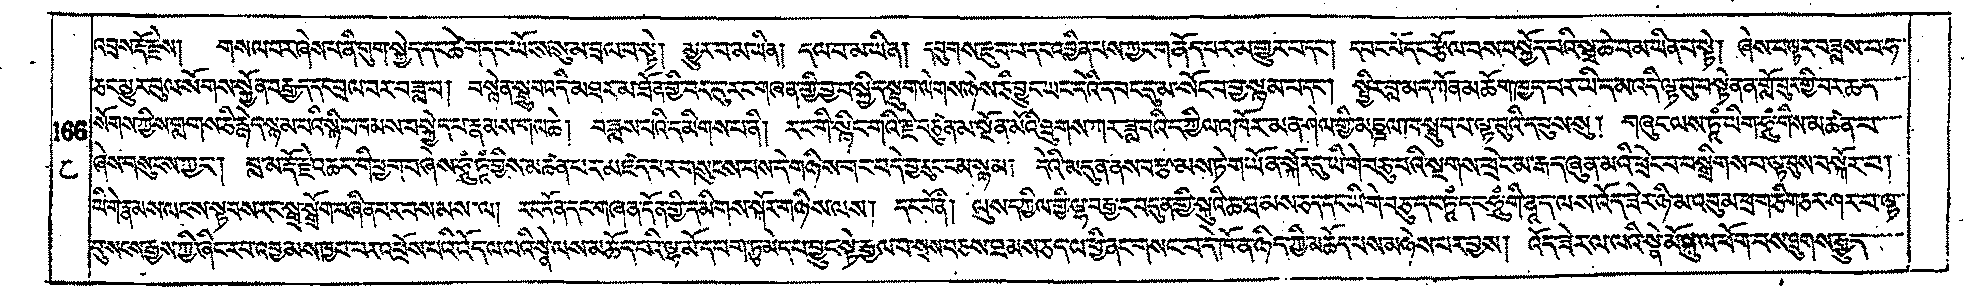འབྲས་རྡོ་རྗེས། གསལ་བར་ཞེས་པ་ནི་གུག་སྐྱེད་དང་ཚེག་དང་ཡོངས་སུ་མ་བྲལ་བ་སྟེ། མྱུར་བ་མ་ཡིན། དལ་བ་མ་ཡིན། དབུགས་རྔུབ་པ་དང་འབྱིན་པས་ཀྱང་གནོད་པར་མ་གྱུར་པ་དང་། དབང་པོ་དང་རྩོལ་བས་བསྐྱོད་པའི་སྒྲ་ཆེ་བ་མ་ཡིན་པ་སྟེ། ཞེས་པ་ལྟར་བཟླས་བ་ཧ་་་
ཅང་མྱུར་བུ་ལ་སོགས་སྐྱོན་བརྒྱད་དང་བྲལ་བར་བཟླ་བ། བསྙེན་སྒྲུབ་འདི་མཐར་མ་ཐོན་གྱི་བར་དུ་རང་གཞན་གྱི་བྱ་བ་སྐྱིད་སྡུག་ལེགས་ཉེས་ཅི་བྱུང་ཡང་དེའི་དབང་དུ་མ་སོང་བ་བྱ་སྙམ་པ་དང་། སྤྱིར་བླ་མ་དཀོན་མཆོག་ཁྱད་པར་ཡིད་མ་འདི་ལྟ་བུ་བསྟེན་ན་གློ་བུར་གྱི་བར་ཆད་་་
སོགས་ཀྱིས་གླགས་ཅི་རྙེད་སྙམ་པའི་སྙིང་ཁམས་བསྐྱེད་པ་རྣམས་གལ་ཆེ། བཟླས་པའི་དམིགས་པ་ནི། རང་གི་སྙིང་གའི་རྗེ་བཙུན་མ་སྔོན་མོའི་ཐུགས་ཀར་ཟླ་བའི་དཀྱིལ་འཁོར་མན་ཤེལ་གྱི་མཎྜལ་ཁ་སྦུབ་པ་ལྟ་བུའི་དབུས་སུ། གཞུང་ལས་ཏཱཾ་ཡིག་ཧཱུཾ་གིས་མཚན་པ་་་
ཞེས་གསུངས་ཀྱང་། བླ་མ་རྡོ་རྗེ་འཆང་གི་ཕྱག་བཞེས་ཧཱུཾ་ཏཱཾ་གྱིས་མཚན་པར་མཛད་པར་གསུངས་པས་དེ་གཉིས་གང་བདེ་བྱ་རུང་ངམ་སྙམ། དེའི་མདུན་ནས་བརྩམས་ཏེ་གཡོན་སྐོར་དུ་ཡི་གེ་བཅུ་པའི་སྔགས་ཕྲེང་མ་རྒད་ཞུན་མའི་ཕྲེང་བ་བསྒྲིགས་པ་ལྟ་བུས་བསྐོར་བ།
ཡི་གེ་རྣམས་ལངས་སྟབས་རང་སྒྲ་སྒྲོག་བཞིན་པར་བསམས་ལ། རང་དོན་དང་གཞན་དོན་གྱི་དམིགས་སྐོར་གཉིས་ལས། དང་པོ་ནི། ལུས་དཀྱིལ་གྱི་ལྷ་བརྒྱ་ང་བདུན་གྱི་སྐུའི་ཆ་ཐམས་ཅད་དང་ཡི་གེ་བཅུ་དང་ཏཱཾ་དང་ཧཱུཾ་གི་ནཱ་ད་ལས་འོད་ཟེར་ཉི་མ་འབུམ་ཕྲག་ཅིག་ཅར་ཤར་བ་ལྟ་་་
བུ་སངས་རྒྱས་ཀྱི་ཞིང་རབ་འབྱམས་ཁྱབ་པར་འཕྲོས་པའི་འོད་ལ་ལའི་སྣེ་ལས་མཆོད་པའི་ལྷ་མོ་དཔག་ཏུ་མེད་པ་བྱུང་སྟེ་རྒྱལ་བ་སྲས་བཅས་ཐམས་ཅད་ལ་ཕྱི་ནང་གསང་བ་དེ་ཁོ་ན་ཉིད་ཀྱི་མཆོད་པས་མཉེས་པར་བྱས། འོད་ཟེར་ལ་ལའི་སྣེ་མོ་སྐུ་ལ་ཕོག་བས་ཐུགས་རྒྱུད་་་